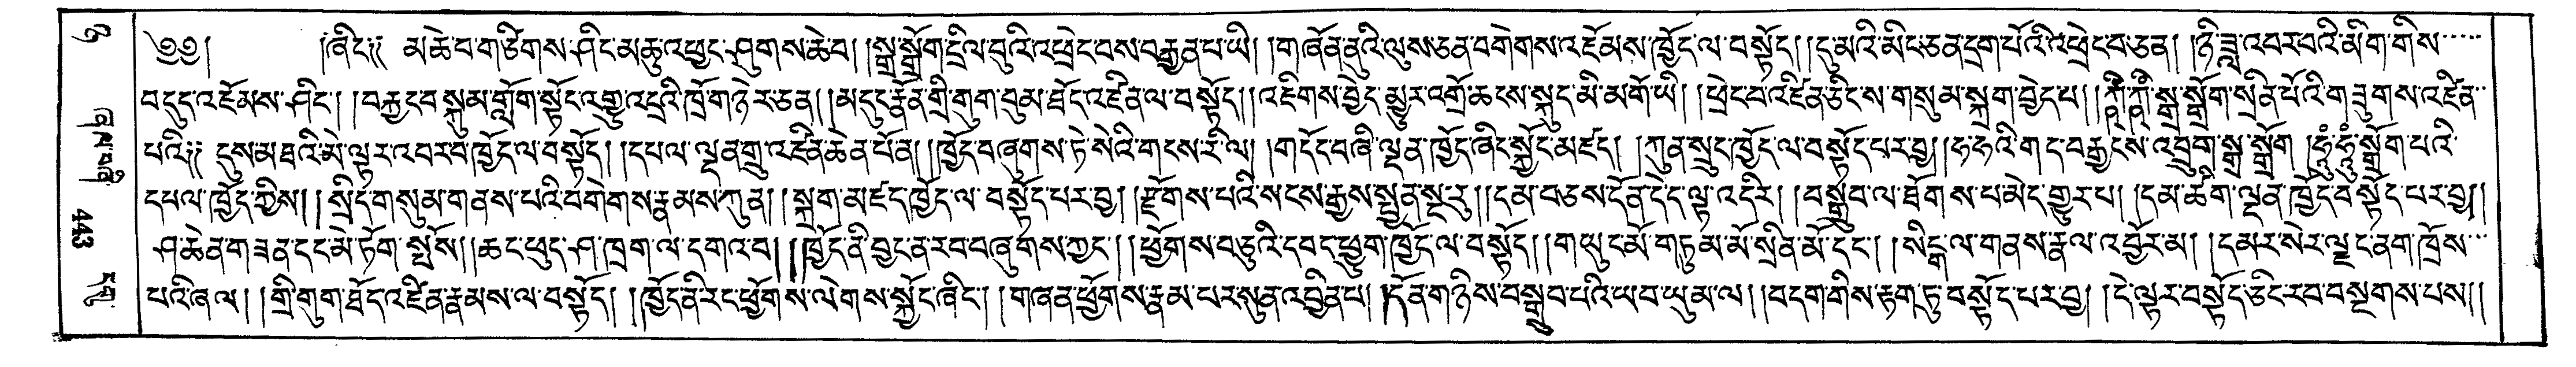༄༅། །ཞིང༑༑ མཆེ་བ་གཙིགས་ཤིང་མཆུ་འཕྱང་ཤུགས་ཆེ་བ། །སྒྲ་སྒྲོག་དྲིལ་བུའི་འཕྲེང་བས་བརྒྱན་པ་ཡི། །གཞོན་ནུའི་ལུས་ཅན་བགེགས་འཇོམས་ཁྱོད་ལ་བསྟོད། །དུ་མའི་མིང་ཅན་དྲག་པོའི་འཕྲེང་བ་ཅན། །ཉི་ཟླ་འབར་བའི་མིག་གིས་
བདུད་འཇོམས་ཤིང་། །བརྐྱང་བསྐུམ་གློག་སྟོང་འགྱུ་འདྲའི་ཁྲོ་གཉེར་ཅན། །མདུང་རྣོན་གྲི་གུག་བུམ་ཐོང་འཛིན་ལ་བསྟོད། །འཇིགས་བྱེད་མྱུར་འགྲོ་ཚངས་སྐུང་མི་མགོ་ཡི། །ཕྲེང་བ་འཛིན་ཅིང་ས་གསུམ་སྐྲག་བྱེད་པ། །ཀྵིཾ་ཀྵིཾ་སྒྲ་སྒྲོག་སྲིན་པོའི་གཟུགས་འཛིན་
པའི༑༑ དུས་མཐའི་མེ་ལྟར་འབར་བ་ཁྱོད་ལ་བསྟོད། །དཔལ་ལྡན་གྲུ་འཛིན་ཆེན་པོ་ན། །ཁྱོད་བཞུགས་ཏེ་སེའི་གངས་རི་ལ། །གདོང་བཞི་ལྡན་ཁྱོད་ཞིང་སྐྱོང་མཛད། །ཀུན་སྲུང་ཁྱོད་ལ་བསྟོད་པར་བྱ། །ཧ་ཧའི་གད་བརྒྱངས་འབྲུག་སྒྲ་སྒྲོག །ཧཱུཾ་ཧཱུཾ་སྒྲོག་པའི་
དཔལ་ཁྱོད་ཀྱིས། །སྲིད་གསུམ་གནས་པའི་བགེགས་རྣམས་ཀུན། །སྐྲག་མཛད་ཁྱོད་ལ་བསྟོད་པར་བྱ། །རྫོགས་པའི་སངས་རྒྱས་སྦྱན་སྔ་རུ། །དམ་བཅས་དོན་དེ་ད་ལྟ་འདིར། །བསྒྲུབ་ལ་ཐོགས་པ་མེད་གྱུར་པ། །དམ་ཚིག་ལྡན་ཁྱོད་བསྟོང་པར་བྱ།།
ཤ་ཆེན་གཟན་དང་མེ་ཏོག་སྤོས། །ཆང་ཕུད་ཤ་ཁྲག་ལ་དགའ་བ། །ཁྱོད་ནི་བྱང་ན་རབ་བཞུགས་ཀྱང་། །ཕྱོགས་བཅུའི་དབང་ཕྱུག་ཁྱོད་ལ་བསྟོད། །གཡུང་མོ་གཏུམ་མོ་སྲིན་མོ་དང་། །སིངྒ་ལ་གནས་རྣལ་འབྱོར་མ། །དམ་སེར་ལྗང་ནག་ཁྲོས་
པའི་ཞལ། །གྲི་གུག་ཐོད་འཛིན་རྣམས་ལ་བསྟོད། །ཁྱོད་ནི་རང་ཕྱོགས་ལེགས་སྐྱོང་ཞིང་། །གཞན་ཕྱོགས་རྣམ་པར་སུན་འབྱིན་པ། །དོན་གཉིས་བསྒྲུབ་པའི་ཡབ་ཡུམ་ལ། །བདག་གིས་རྟག་ཏུ་བསྟོད་པར་བྱ། །དེ་ལྟར་བསྟོད་ཅིང་རབ་བསྔགས་པས།།